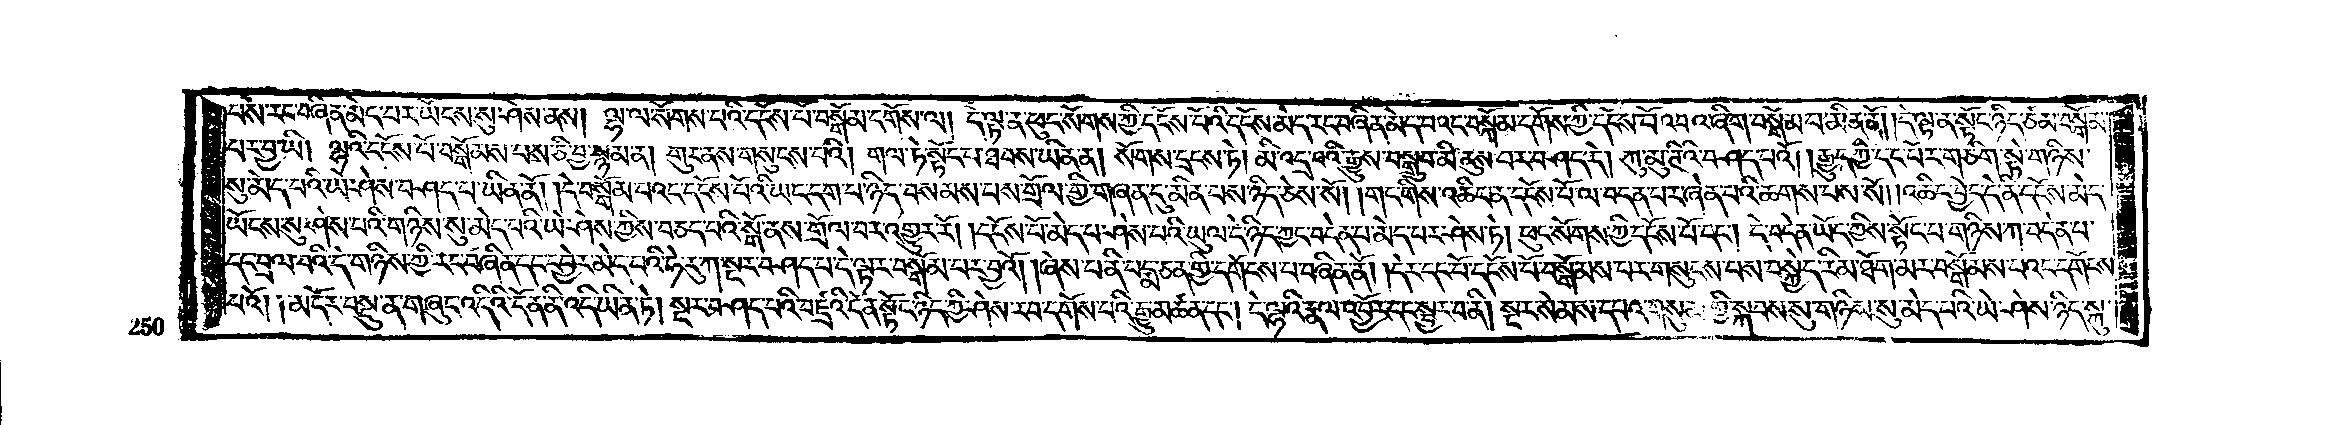པས་རང་བཞིན་མེད་པར་ཡོངས་སུ་ཤེས་ནས། ལྷ་ལ་སོགས་པའི་དངོས་པོ་བསྒོམ་དགོས་ལ། དེ་ལྟ་ན་ཕུང་སོགས་ཀྱི་དངོས་པོའི་དངོས་མེད་རང་བཞིན་མེད་པའང་བསྒོམ་དགོས་ཀྱི་དངོས་པོ་འབའ་ཞིག་བསྒོམ་པ་མིན་ནོ། །དེ་ལྟ་ན་སྟོང་ཉིད་ཙམ་བསྒོམ་
པར་བྱ་ཡི། ལྷའི་དངོས་པོ་བསྒོམས་པས་ཅི་བྱ་སྙམ་ན། གུར་ནས་གསུངས་པའི། གལ་ཏེ་སྟོང་པ་ཐབས་ཡིན་ན། སོགས་དྲངས་ཏེ། མི་འདྲ་བའི་རྒྱུས་བསྒྲུབ་མི་ནུས་པར་བཤད་དེ། ཀུ་མུ་ཊིའི་བཤད་པའོ། །རྒྱུད་ཀྱི་དང་པོར་གཅིག་སྟེ་གཉིས་
སུ་མེད་པའི་ཡེ་ཤེས་བཤད་པ་ཡིན་ནོ། །དེ་བསྒོམ་པའང་དངོས་པོའི་ཡང་དག་པ་ཉིད་བསམས་པས་གྲོལ་གྱི་གཞན་དུ་མིན་པས་ཉིད་ཅེས་སོ། །གང་གིས་འཆིང་ན་དངོས་པོ་ལ་བདན་པར་ཞེས་པའི་ཆགས་པས་སོ། །འཆིང་བྱེད་དེ་ནི་དངོས་མེད་
ཡོངས་སུ་ཤེས་པའི་གཉིས་སུ་མེད་པའི་ཡེ་ཤེས་ཀྱིས་བཅད་པའི་སྒོ་ནས་གྲོལ་བར་འགྱུར་རོ། །དངོས་པོ་མེད་པ་ཤེས་པའི་ཡུལ་དེ་ཉིད་ཀྱང་བདེན་པ་མེད་པར་ཤེས་ཏེ། ཕུང་སོགས་ཀྱི་དངོས་པོ་དང་། དེ་བདེན་ཡོད་ཀྱིས་སྟོང་པ་གཉིས་ཀ་བདེན་པ་
དང་བྲལ་བའི་དེ་གཉིས་ཀྱི་རང་བཞིན་དང་དབྱེར་མེད་པའི་ཧེ་རུ་ཀ་སྔར་བཤད་པ་དེ་ལྟར་བསྒོམ་པར་བྱའོ། །ཞེས་པ་ནི་པདམ་ཅན་གྱི་དགོངས་པ་བཞིན་ནོ། །དེར་དང་པོ་དངོས་པོ་བསྒོམས་པར་གསུངས་པས་བསྐྱེད་རིམ་ཐོག་མར་བསྒོམས་པའང་དགོངས་
པའོ། །མདོར་བསྡུ་ན་གཞུང་འདིའི་དོན་ནི་འདི་ཡིན་ཏེ། སྔར་བཤད་པའི་བཛྲའི་དོན་སྟོང་ཉིད་ཀྱི་ཤེས་རབ་དགོས་པའི་རྒྱུ་མཚན་དང་། དེ་ལྷའི་རྣལ་འབྱོར་དང་སྦྱར་བ་ནི། སྔར་སེམས་དཔའ་གསུམ་གྱི་སྐབས་སུ་གཉིས་སུ་མེད་པའི་ཡེ་ཤེས་ཉིད་སྐུ་